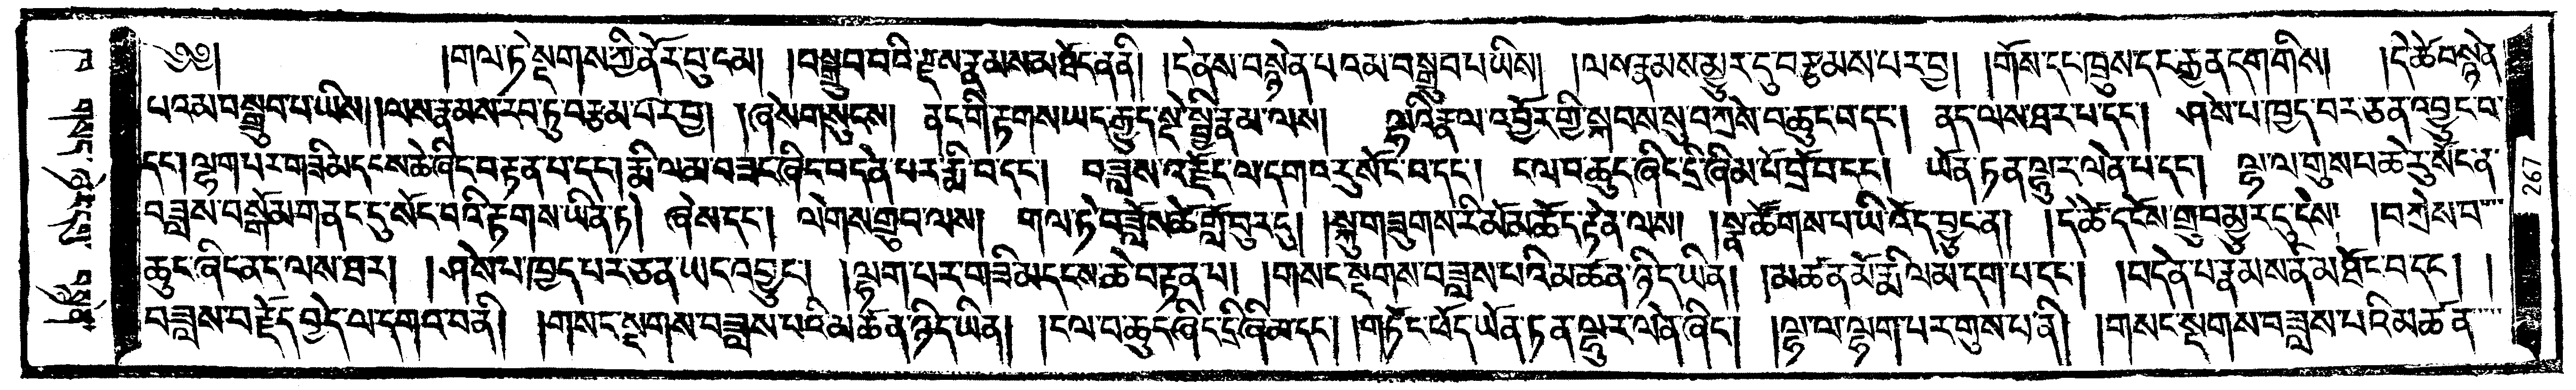༄༅། །གལ་ཏེ་སྔགས་ཀྱི་ནོར་བུ་དམ། །བསྒྲུབ་པའི་རྫས་རྣམས་མཐོང་ན་ནི། །དེ་ནས་བསྙེན་པའམ་བསྒྲུབ་པ་ཡིས། །ལས་རྣམས་མྱུར་དུ་བརྩམས་པར་བྱ། །གོས་དང་ཁྲུས་དང་རྒྱན་དག་གིས། །དེ་ཚེ་བསྙེན་
པའམ་བསྒྲུབ་པ་ཡིས། །ལས་རྣམས་རབ་ཏུ་བརྩམ་པར་བྱ། །ཞེས་གསུངས། ནང་གི་རྟགས་ཡང་རྒྱུད་སྡེ་སྤྱི་རྣམ་ལས། ལྷའི་རྣལ་འབྱོར་གྱི་སྐབས་སུ་བཀྲེས་བ་ཆུང་བ་དང་། ནད་ལས་ཐར་པ་དང་། ཤེས་པ་ཁྱད་པར་ཅན་འབྱུང་བ་
དང་། ལྷག་པར་གཟིམ་དང་ས་ཆེ་ཞིང་བརྟན་པ་དང་། རྨི་ལམ་བཟང་ཞིང་བདེན་པར་རྨི་བ་དང་། བཟླས་བརྗོད་ལ་དགའ་རུ་སོང་བ་དང་། ངལ་བ་ཆུང་ཞིང་དྲི་ཞིམ་པོ་བྲོ་བ་དང་། ཡོན་ཏན་ལྷུར་ལེན་པ་དང་། ལྷ་ལ་གུས་པ་ཆེ་རུ་སོང་ན་
བཟླས་བསྒོམ་གནང་དུ་སོང་བའི་རྟགས་ཡིན་ཏེ། ཞེས་དང་། ལེགས་གྲུབ་ལས། གལ་ཏེ་བཟློས་ཚེ་གློ་བུར་དུ། །སྐུ་གཟུགས་རི་མོ་མཆོད་རྟེན་ལས། །སྣ་ཚོགས་པ་ཡི་འོང་བྱུང་ན། །དེ་ཚེ་དངོས་གྲུབ་མྱུར་དུ་ངེས། །བཀྲེས་པ་
ཆུང་ཞིང་ནད་ལས་ཐར། །ཤེས་པ་ཁྱད་པར་ཅན་ཡང་འབྱུང་། །ལྷག་པར་གཟི་མདངས་ཆེ་བརྟན་པ། །གསང་སྔགས་བཟླས་པའི་མཚན་ཉིད་ཡིན། །མཚན་མོ་རྨི་ལམ་དག་པ་དང་། །བདེན་པ་རྣམས་ནི་མཐོང་བ་དང་། །
བཟླས་བརྗོད་བྱེད་ལ་དགའ་བ་ནི། །གསང་སྔགས་བཟླས་པའི་མཚན་ཉིད་ཡིན། །ངལ་བ་ཆུང་ཞིང་དྲི་ཞིམ་དང་། །གཏོང་ཕོད་ཡོན་ཏན་ལྷུར་ལེན་ཞིང་། །ལྷ་ལ་ལྷག་པར་གུས་པ་ནི། །གསང་སྔགས་བཟླས་པའི་མཚན་